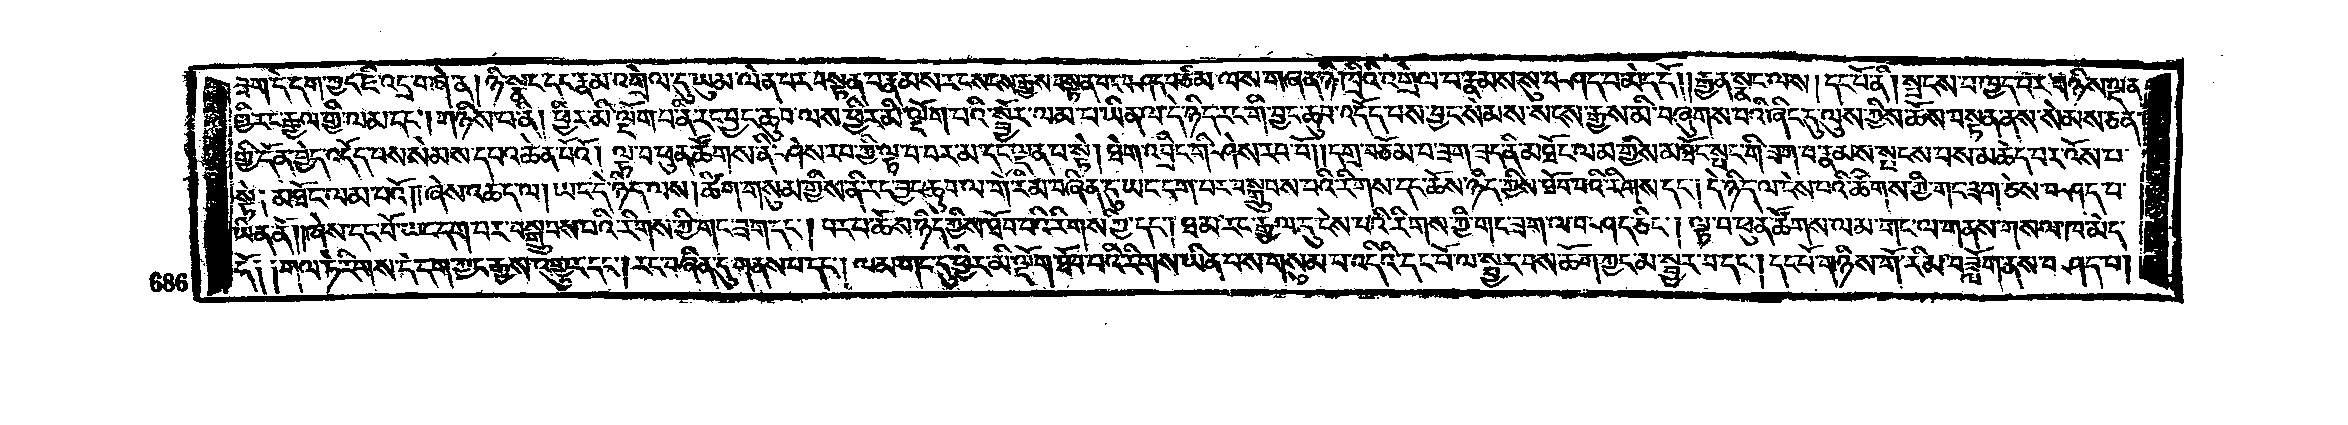ཟག་དེ་དག་ཀྱང་ཇི་འདྲ་བ་ཞེ་ན། ཉི་སྣང་དང་རྣམ་འགྲེལ་དུ་ཡུམ་ལེན་པར་བསྟན་པ་རྣམས་རང་སངས་རྒྱས་བསྟན་པར་བཤད་པ་ཙམ་ལས་གཞན་ཉི་ཁྲིའི་འགྲེལ་པ་རྣམས་སུ་བཤད་པ་མེད་དོ། །རྒྱན་སྣང་ལས། དང་པོ་ནི། སྤངས་པ་ཁྱད་པར་གཉིས་ལྡན་
གྱི་རང་རྒྱལ་གྱི་ལམ་དང་། གཉིས་པ་ནི། ཕྱིར་མི་ལྡོག་པ་ནི་རང་བྱང་ཆུབ་ལས་ཕྱིར་མི་ལྡོག་པའི་སྦྱོར་ལམ་པ་ཡིན་ལ་དེ་ཉིད་རང་གི་བྱང་ཆུབ་འདོད་པས་བྱང་སེམས་སངས་རྒྱས་མི་བཞུགས་པའི་ཞིང་དུ་ལུས་ཀྱིས་ཆོས་བསྟན་ནས་སེམས་ཅན་
གྱི་དོན་བྱེད་འདོད་པས་སེམས་དཔའ་ཆེན་པོའོ། ལྟ་བ་ཕུན་ཚོགས་ནི་ཤེས་རབ་ཀྱི་ལྟ་བ་བར་མ་དང་ལྡན་པ་སྟེ། ཐེག་འབྲིང་གི་ཤེས་རབ་བོ། །དགྲ་བཅོམ་པ་ཟག་ཟད་ནི་མཐོང་ལམ་གྱིས་མཐོང་སྤང་གི་ཟག་པ་རྣམས་སྤངས་པས་མཆོད་པར་འོས་པ་
སྟེ། མཐོང་ལམ་པའོ། །ཞེས་འཆད་ལ། ཡང་དེ་ཉིད་ལས། ཚིག་གསུམ་གྱིས་ནི་རང་བྱང་ཆུབ་ལ་གོ་རིམ་བཞིན་དུ་ཡང་དག་པར་བསྒྲུབས་པའི་རིགས་དང་ཆོས་ཉིད་ཀྱིས་ཐོབ་པའི་རིགས་དང་། དེ་ཉིད་ལ་ངེས་པའི་ཚིགས་ཀྱི་གང་ཟག་ཅེས་བཤད་པ་
ཡིན་ནོ། །ཞེས་དང་པོ་ཡང་དག་པར་བསྒྲུབས་པའི་རིགས་ཀྱི་གང་ཟག་དང་། བར་བ་ཆོས་ཉིད་ཀྱིས་ཐོབ་པའི་རིགས་ཀྱི་དང་། ཐ་མ་རང་རྒྱལ་དུ་ངེས་པའི་རིགས་ཀྱི་གང་ཟག་ལ་བཤད་ཅིང་། ལྟ་བ་ཕུན་ཚོགས་ལམ་གང་ལ་གནས་གསལ་ཁ་མེད་
དོ༑ ༑གལ་ཏེ་རིགས་དེ་དག་ཀྱང་རྒྱས་འགྱུར་དང་། རང་བཞིན་དུ་གནས་པ་དང་། ལམ་གང་དུ་ཕྱིར་མི་ལྡོག་ཐོབ་པའི་རིགས་ཡིན་པས་གསུམ་པ་འདིའི་དང་པོ་ལ་སྦྱར་བས་ཆོག་ཀྱང་མ་སྦྱར་བ་དང་། དང་པོ་གཉིས་གོ་རིམ་བཟློག་ནས་བཤད་པ།